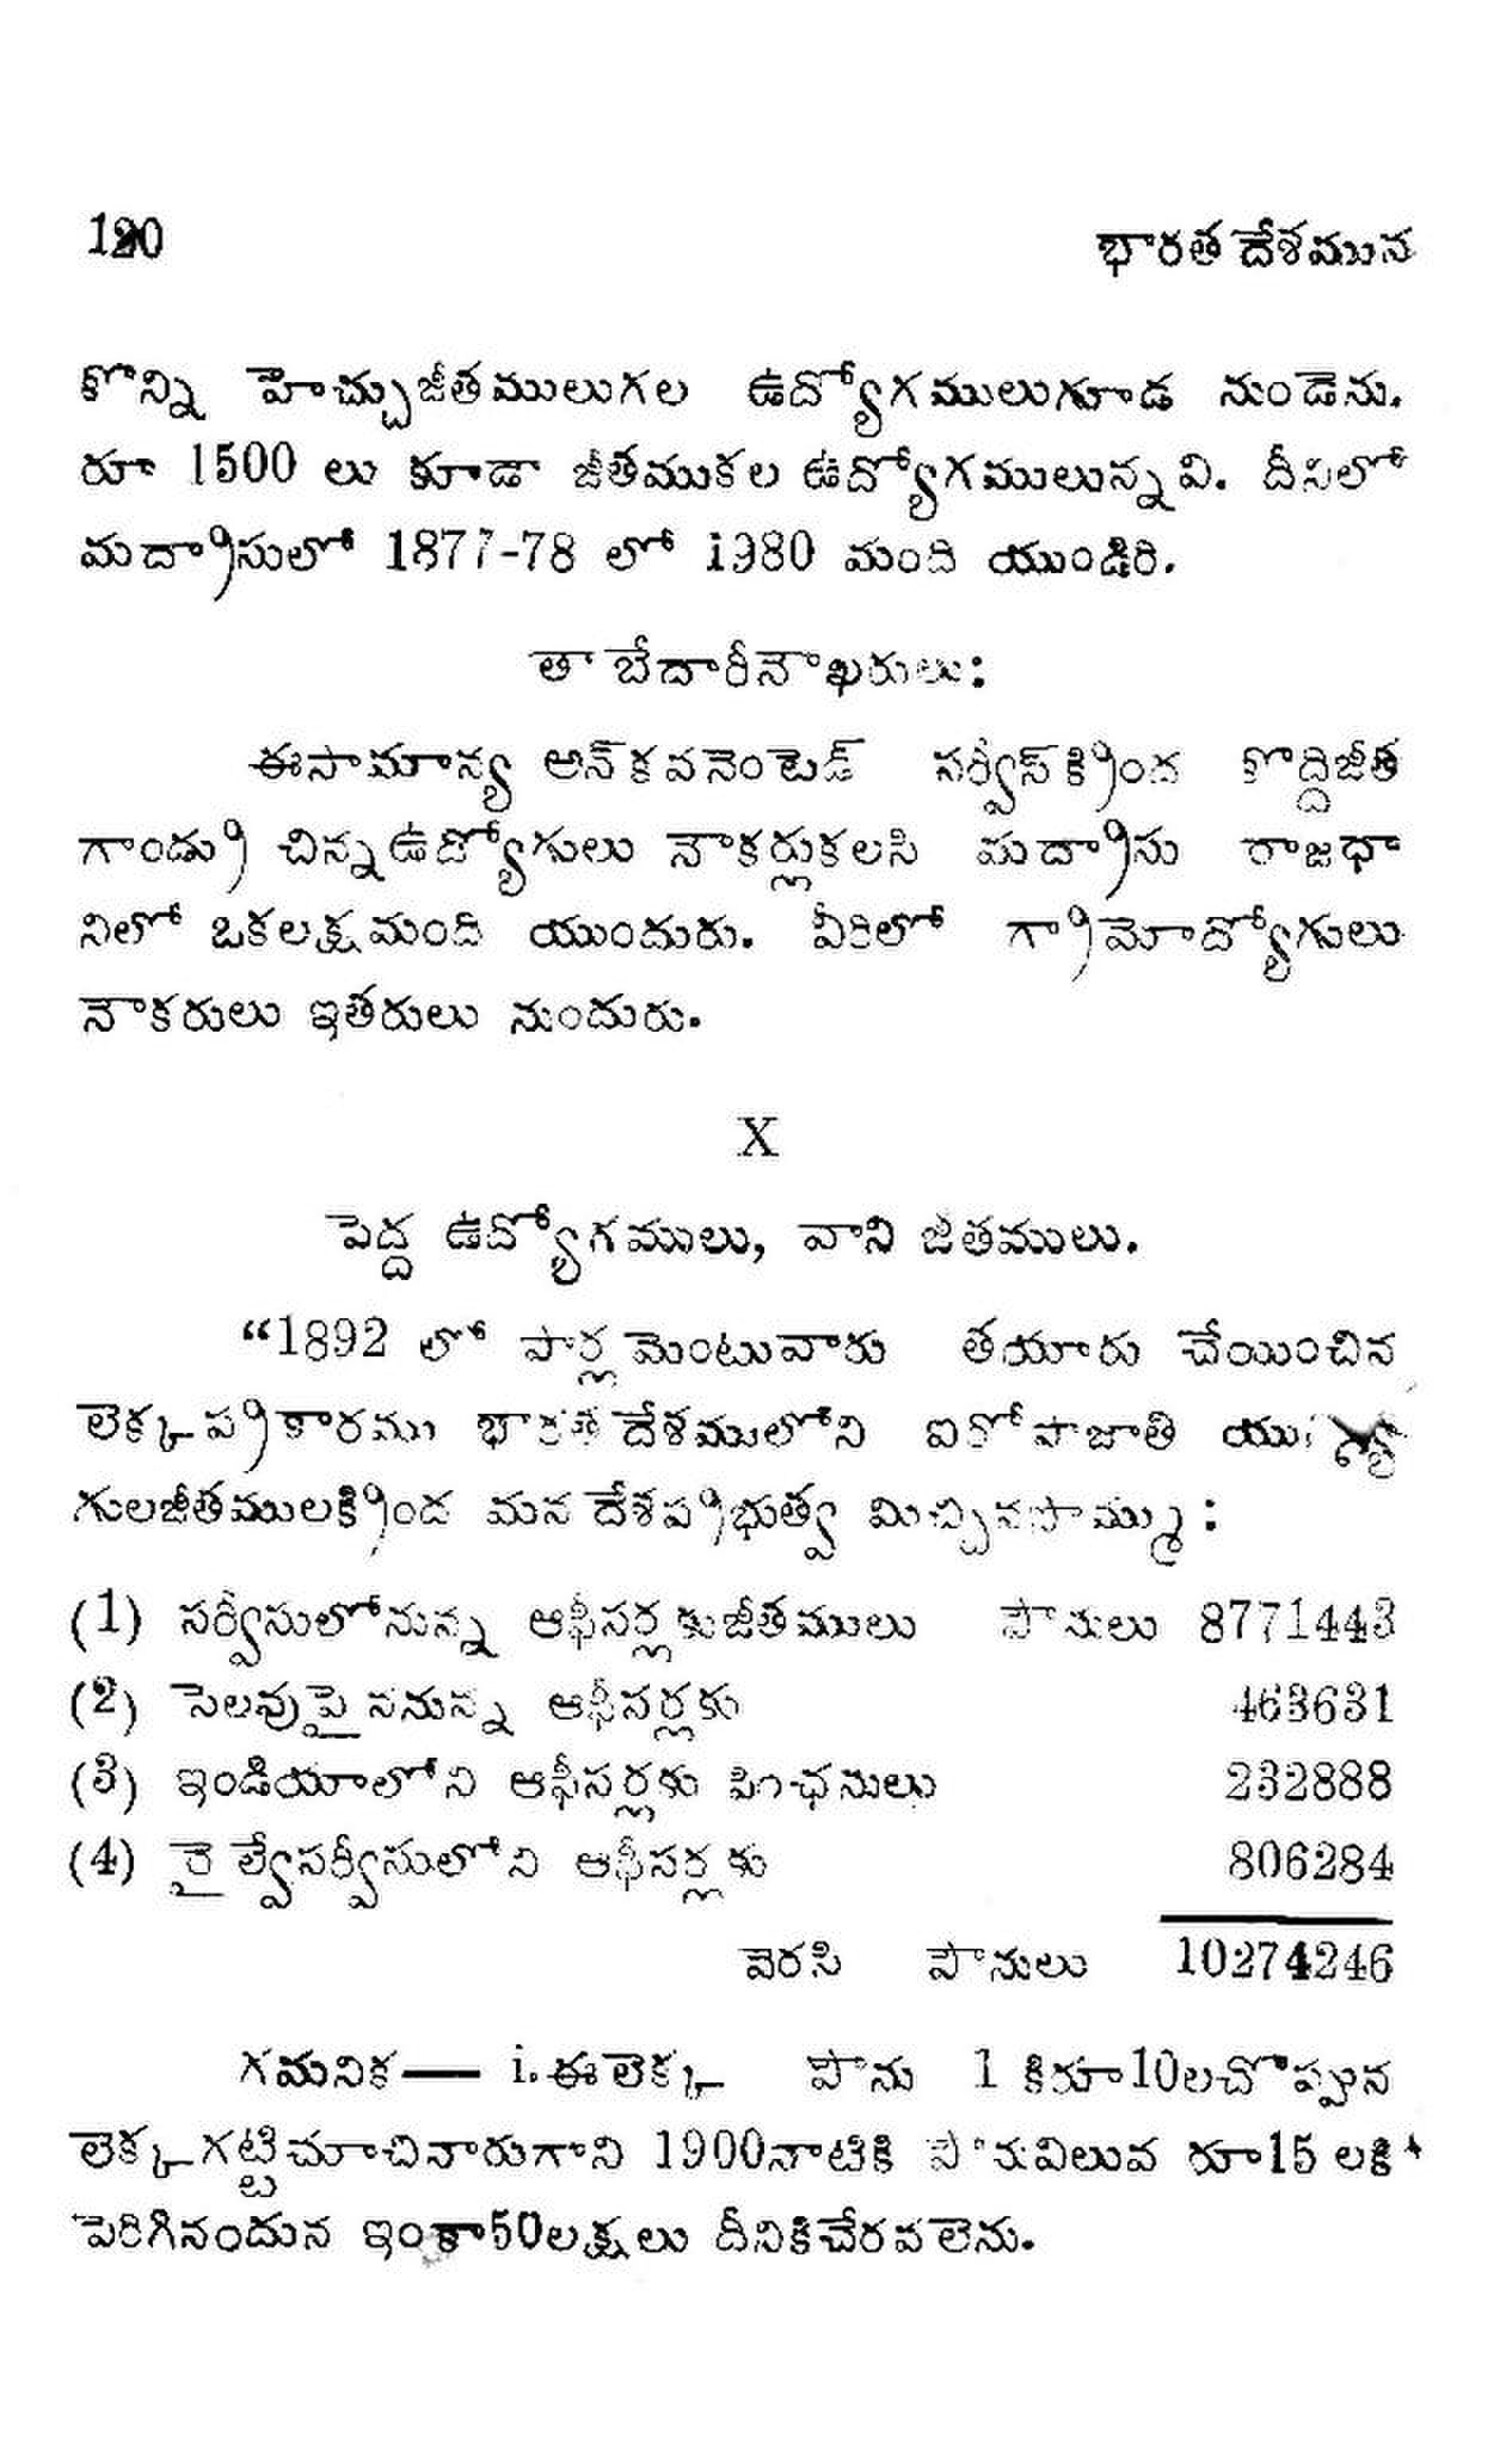కొన్ని హెచ్చుజీతములుగల ఉద్యోగములుగూడ నుండెను. రూ 1500 లు కూడా జీతముకల ఉద్యోగములున్నవి. దీనిలో మద్రాసులో 1877-78 లో 1980 మంది యుండిరి.

 

ఈసామాన్య ఆన్‌కవనెంటెడ్ సర్వీస్‌క్రింద కొద్దిజీతగాండ్రు చిన్నఉద్యోగులు నౌకర్లుకలసి మద్రాసు రాజధానిలో ఒకలక్షమంది యుందురు. వీరిలో గ్రామోద్యోగులు నౌకరులు ఇతరులు నుందురు.

X
పెద్ద ఉద్యోగములు, వాని జీతములు. 

"1892 లో పార్లమెంటువారు తయారు చేయించిన లెక్కప్రకారము భారతదేశములోని ఐరోపాజాతి యుద్యోగులజీతములక్రింద మనదేశప్రభుత్వ మిచ్చినసొమ్ము: 

 (1) సర్వీసులోనున్న ఆఫీసర్లకుజీతములు పౌనులు 8771443 (2) సెలవుపైనున్న ఆఫీసర్లకు పౌనులు 463631 (3) ఇండియాలోని ఆఫీసర్లకు పింఛనులు పౌనులు 232888 (4) రైల్వేసర్వీసులోని ఆఫీసర్లకు పౌనులు 806284 - వెరసి పౌనులు 10274246

గమనిక - i. ఈలెక్క పౌను 1కిరూ10లచొప్పున లెక్కగట్టిచూచినారుగాని 1900 నాటికి పౌనువిలువ రూ15 లకి పెరిగినందున ఇంకా 50 లక్షలు దీనికిచేరవలెను.